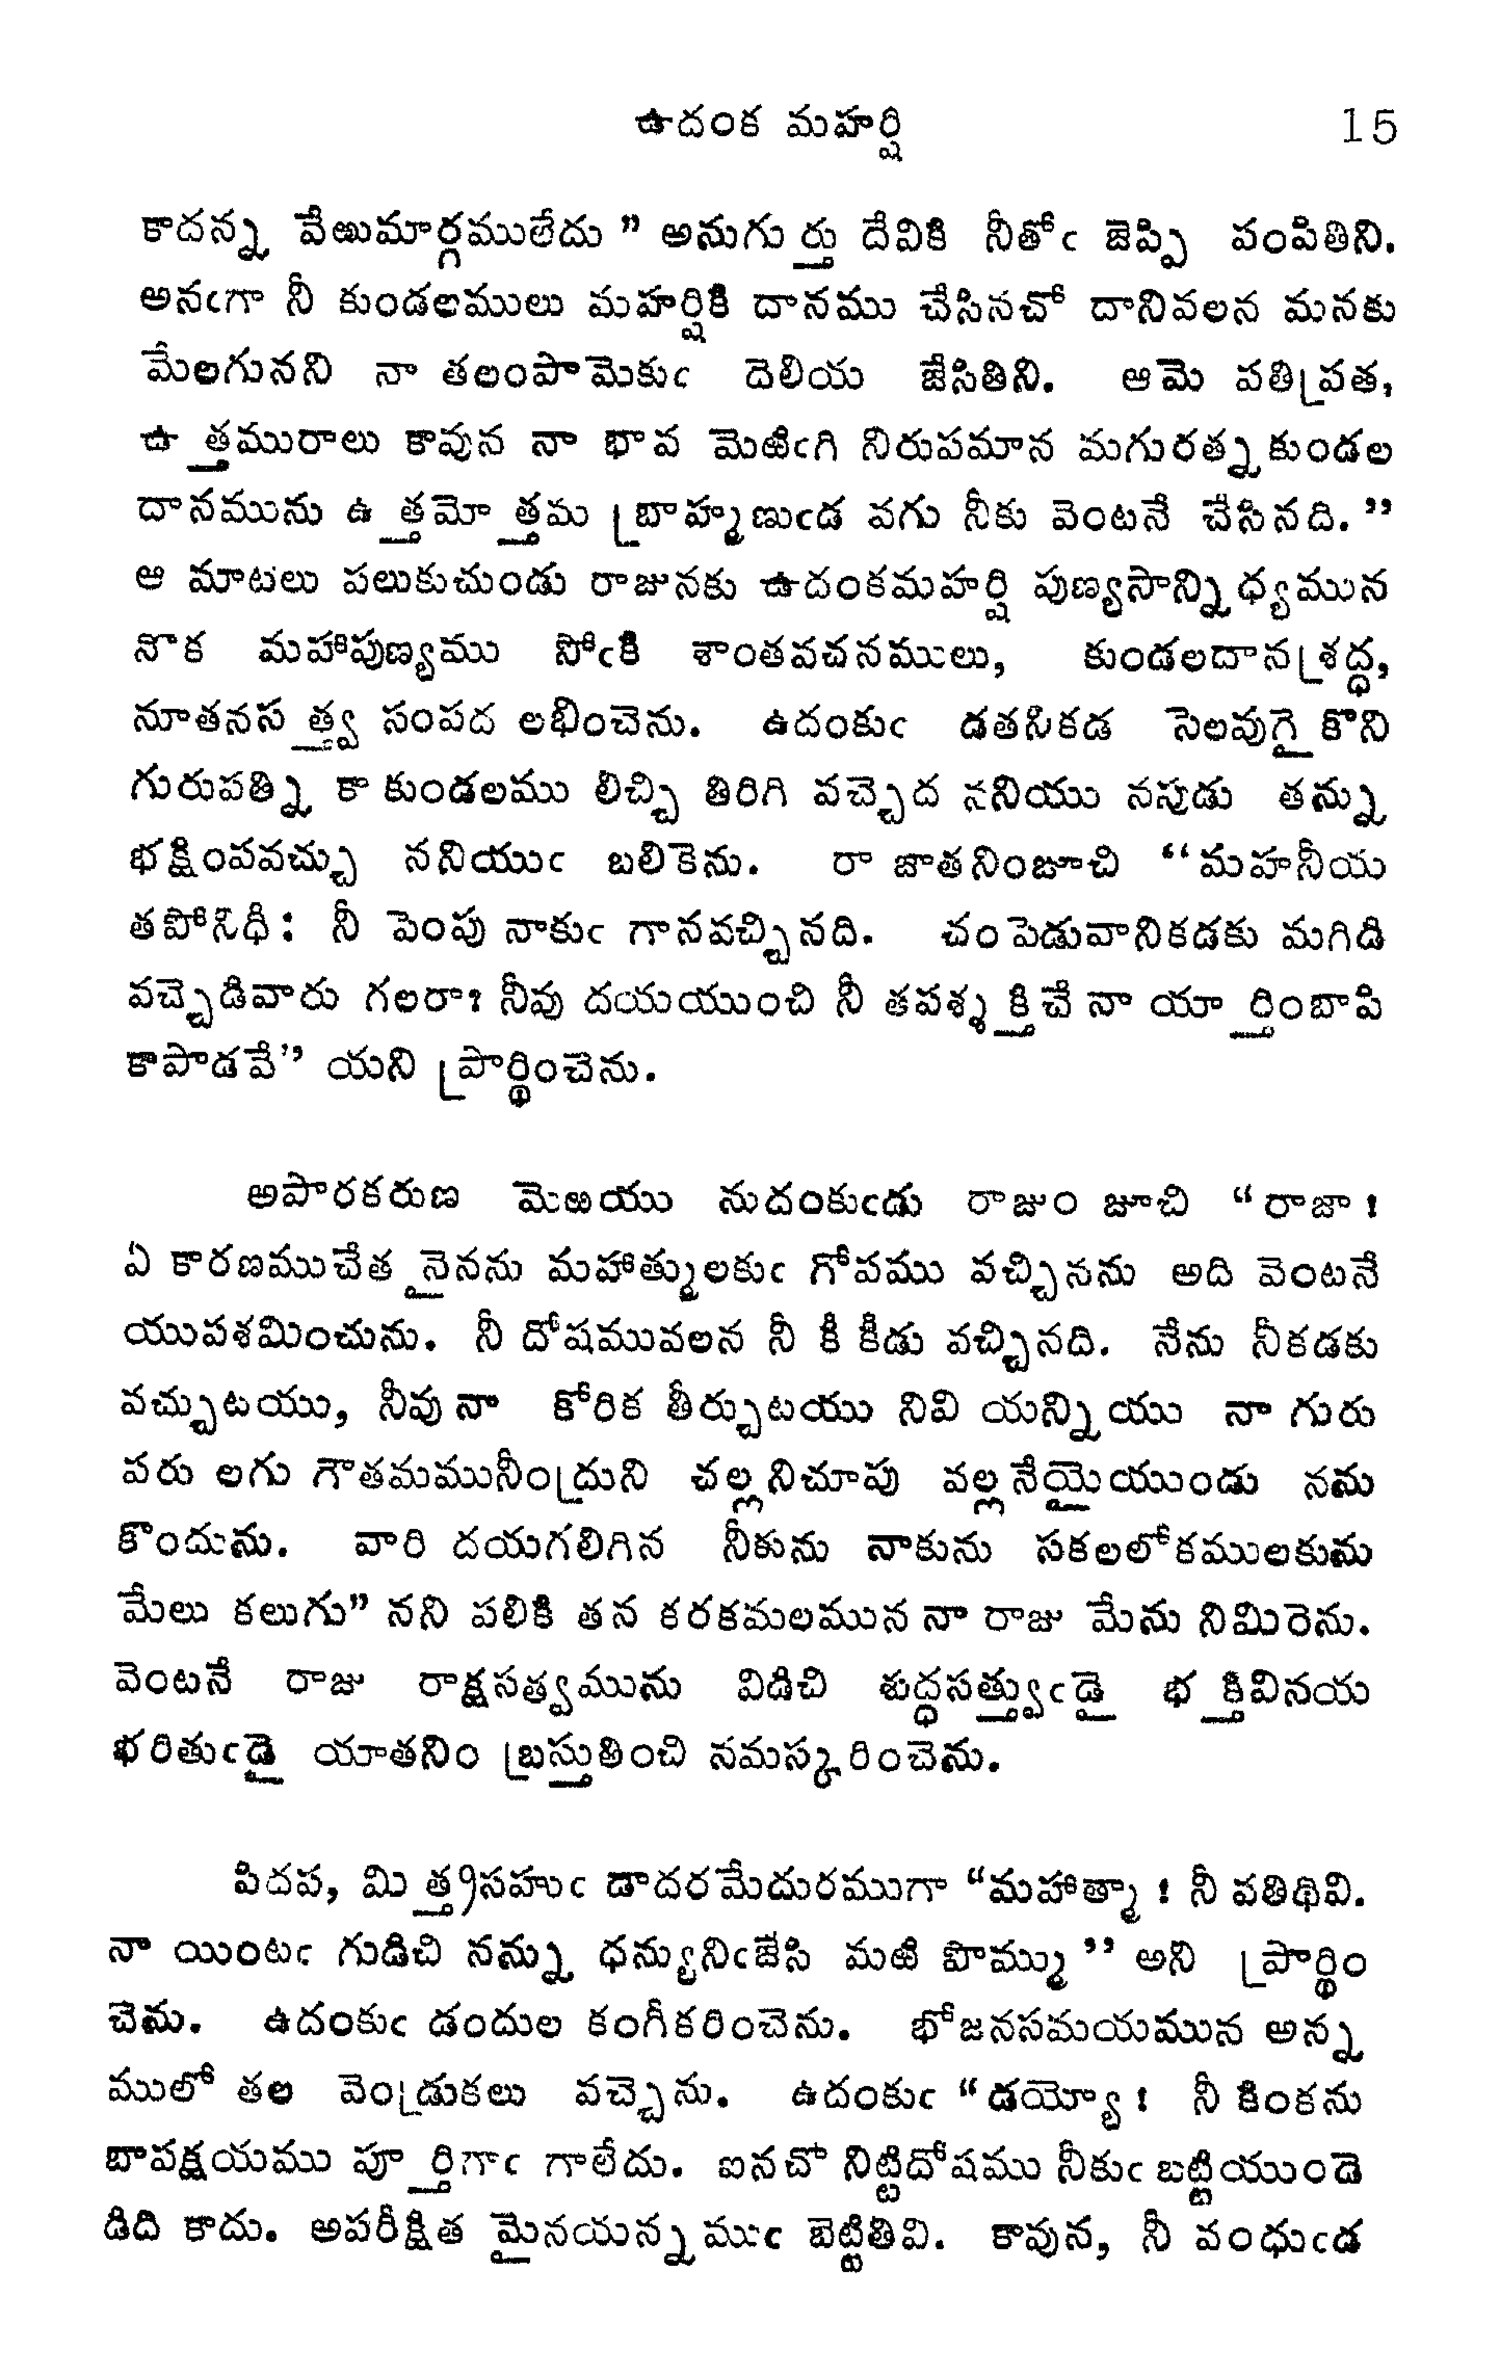కాదన్న వేరుమార్గములేదు " అనుగుర్తు దేవికి నీతో జెప్పి పంపితిని. అనగా నీ కుండలములు మహర్షికి దానము చేసినచో దానివలన మనకు మేలగునని నా తలంపామెకు దెలియ జేసితిని. ఆమె పతివ్రత, ఉత్తమురాలు కావున నా భావ మెరిగి నిరుపమాన మగురత్నకుండల దానమును ఉత్తమోత్తమ బ్రాహ్మణుడ వగు నీకు వెంటనే చేసినది. " ఆ మాటలు పలుకుచుండు రాజునకు ఉదంకమహర్షి పుణ్యసాన్నిధ్యమున నొక మహాపుణ్యము సోకి శాంతవచనములు, కుండలదానశ్రద్ధ, నూతనసత్త్వ సంపద లభించెను. ఉదంకు డతనికడ సెలవుగైకొని గురుపత్ని కా కుండలము లిచ్చి తిరిగి వచ్చెద ననియు నపుడు తన్ను భక్షింపవచ్చు ననియు బలికెను. రా జాతనింజూచి " మహనీయ తపోనిధీ : నీ పెంపు నాకు గానవచ్చినది. చంపెడువానికడకు మగిడి వచ్చెడివారు గలరా ? నీవు దయయుంచి నీ తపశ్శక్తిచే నా యార్తింబాపి కాపాడవే " యని ప్రార్థించెను.

అపారకరుణ మెరయు నుదంకుడు రాజుం జూచి " రాజా ! ఏ కారణముచేత నైనను మహాత్ములకు గోపము వచ్చినను అది వెంటనే యుపశమించును. నీ దోషమువలన నీకీ కీడు వచ్చినది. నేను నీకడకు వచ్చుటయు, నీవు నా కోరిక తీర్చుటయు నివి యన్నియు నా గురువరు లగు గౌతమమునీంద్రుని చల్లనిచూపు వల్లనేయైయుండు ననుకొందును. వారి దయగలిగిన నీకును నాకును సకలలోకములకును మేలు కలుగు " నని పలికి తన కరకమలమున నా రాజు మేను నిమిరెను. వెంటనే రాజు రాక్షసత్వమును విడిచి శుద్ధసత్త్వుడై భక్తివినయ భరితుడై యాతనిం బ్రస్తుతించి నమస్కరించెను.

పిదప, మిత్త్రసహు డాదరమేదురముగా " మహాత్మా ! నీ వతిథివి. నా యింట గుడిచి నన్ను ధన్యునిజేసి మరి పొమ్ము " అని ప్రార్థించెను. ఉదంకు డందుల కంగీకరించెను. భోజనసమయమున అన్నములో తల వెండ్రుకలు వచ్చెను. ఉదంకు " డయ్యో ! నీ కింకను బాపక్షయము పూర్తిగా గాలేదు. ఐనచో నిట్టిదోషము నీకు బట్టియుండెడిది కాదు. అపరీక్షిత మైనయన్నము బెట్టితివి. కావున, నీ వంధుడ